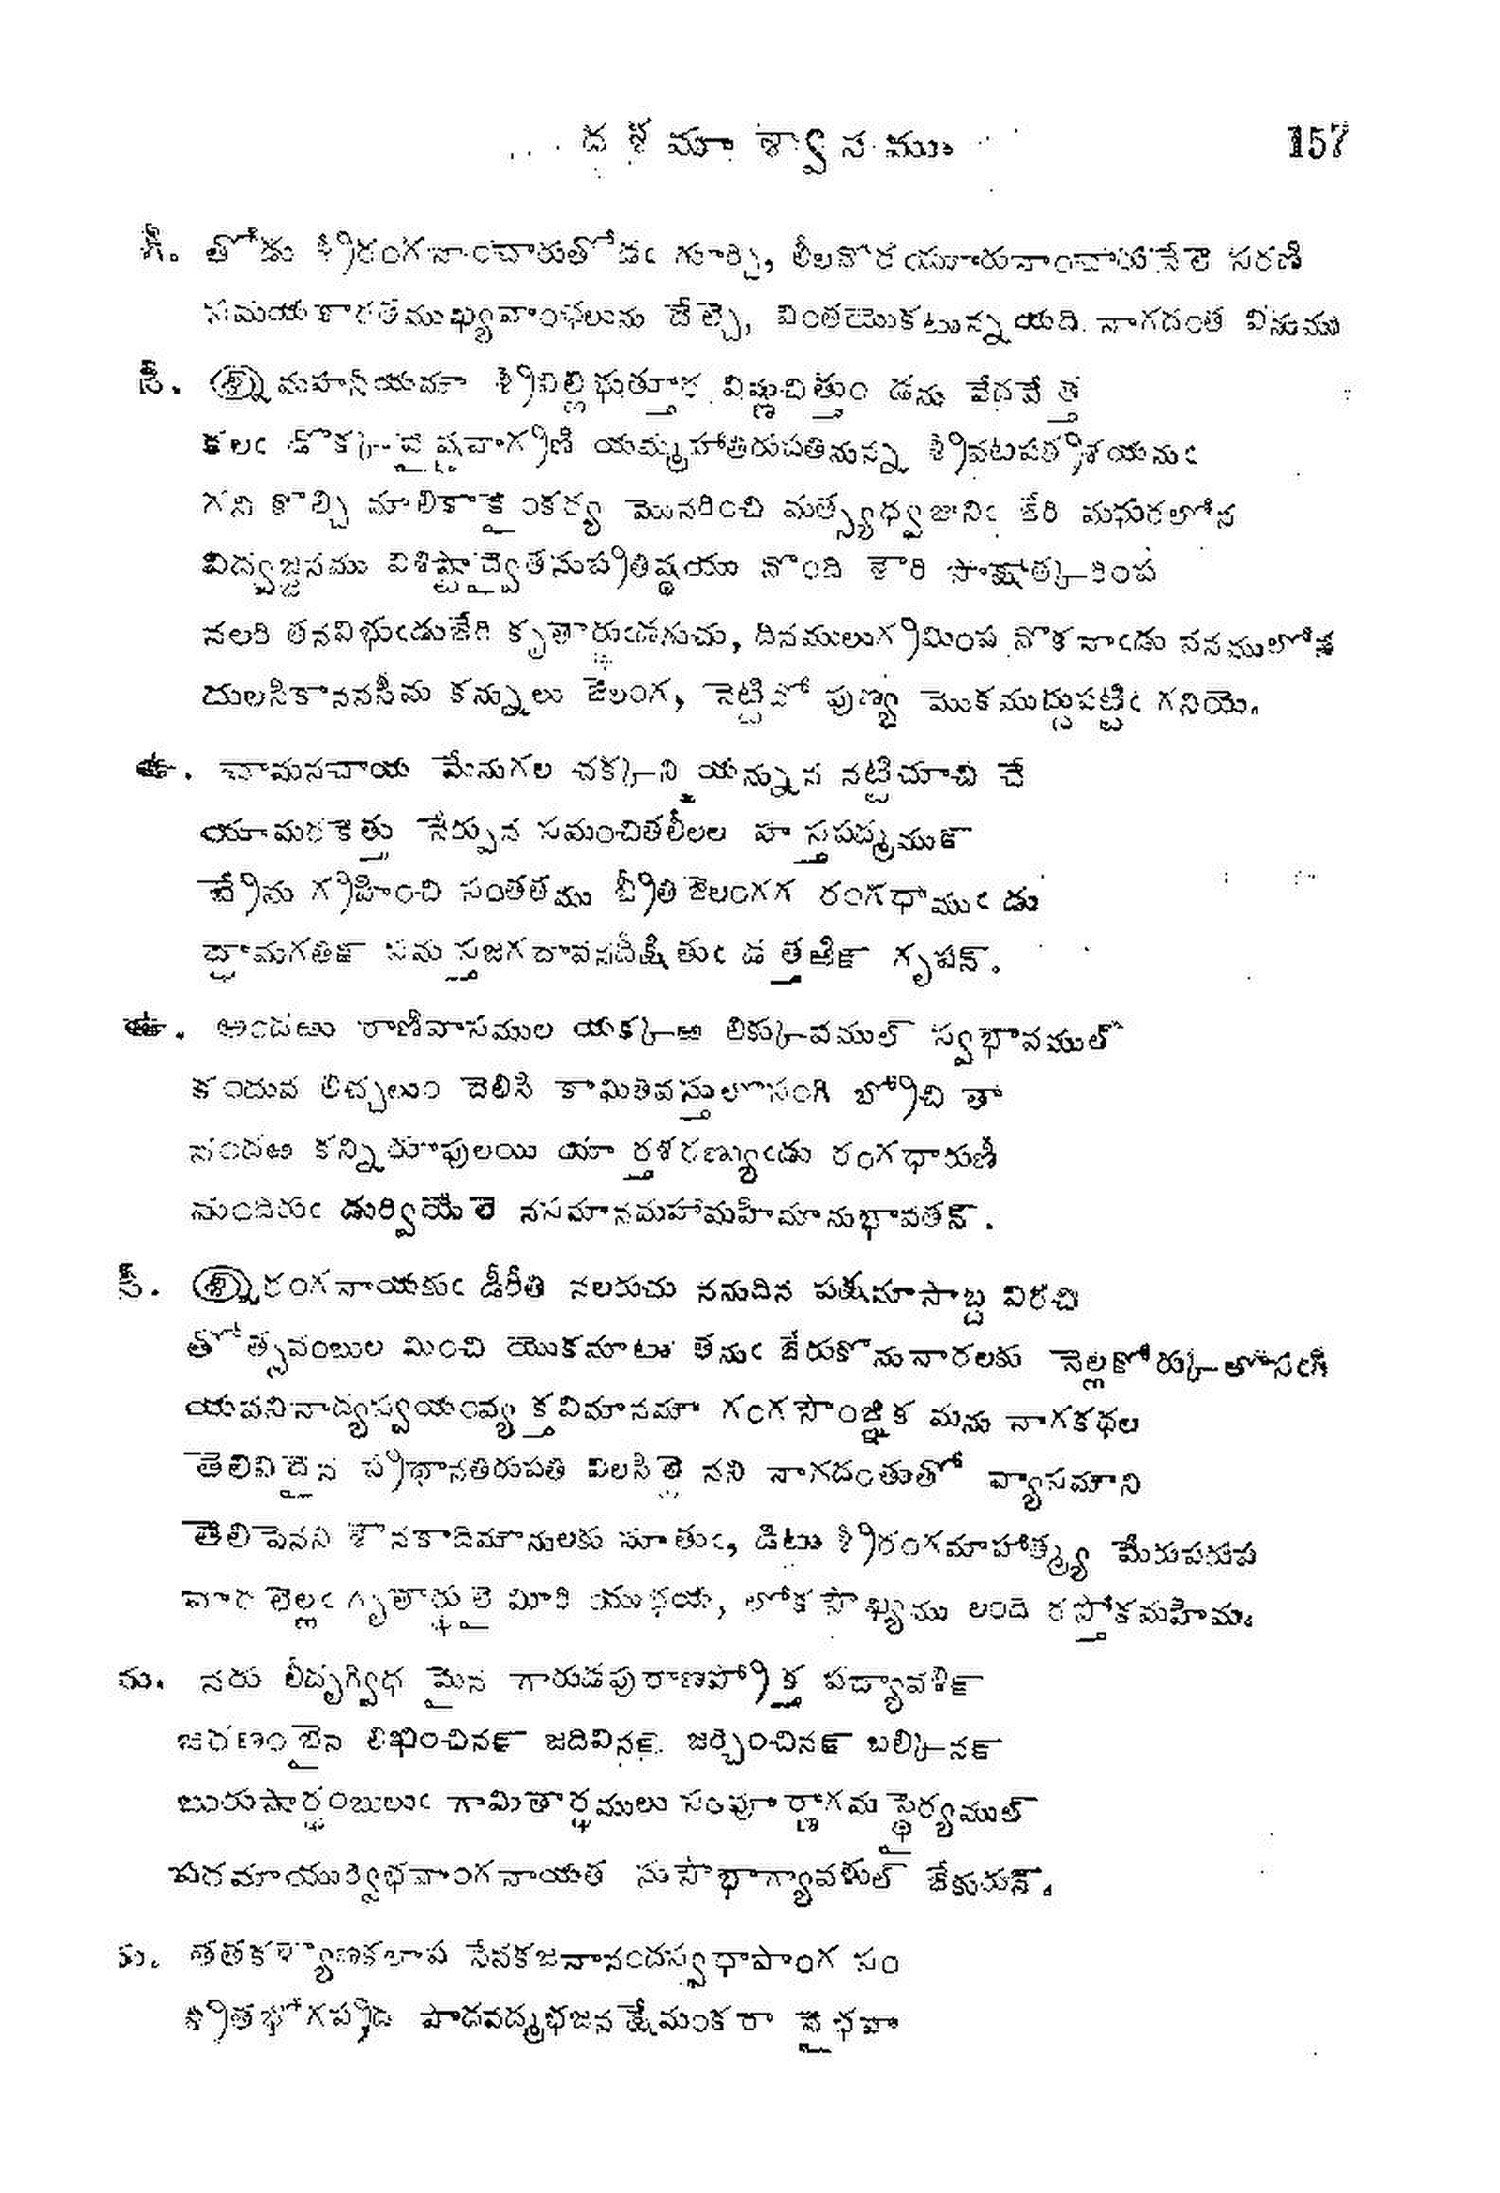గీ. తోడు శ్రీరంగనాంచారుతోడఁ గూర్చి, లీల నొరయూరునాంచారు నేలె సరణి
 సమయకారతముఖ్యవాంఛలును దేల్చె, వింత యొకటున్నయది నాగదంత వినుము.
సీ. శ్రీమహనీయమౌ శ్రీవిల్లిభుత్తూర విష్ణుచిత్తుం డను వేదవేత్త
 కలఁ డొక్కవైష్ణవాగ్రణి యమ్మహాతిరుపతి నున్న శ్రీవటపత్రశయనుఁ
 గని కొల్చి మాలికాకైంకర్య మొనరించి మత్స్యధ్వజునిఁ జేరి మధురలోన
 విద్వజ్జనము విశిష్టాద్వైతసుప్రతిష్ఠయు నొంది శౌరి సాక్షాత్కరింప
 నలరి తనవిభుఁడు జేకి కృతార్థుఁ డగుచు, దినములు గ్రమింప నొకనాఁడు వనములోన
 దులసికాననసీమ కన్నులు జెలంగ, నెట్టిదో పుణ్య మొకముద్దుపట్టిఁ గనియె.
ఉ. చామనచాయ మేనుగల చక్కని యన్నున నట్టిచూచి చే
 యామరకెత్తు నేర్పున సమంచితలీలల హస్తపద్మమున్
 బ్రేమ గ్రహించి సంతతము బ్రీతి జెలంగగ రంగధాముఁ డు
 ద్ధామగతిన్ సమస్తజగదావనదీక్షితుఁ డత్తఱిన్ గృపన్.
ఉ. అందఱు రాణివాసముల యక్కఱ లిక్కువముల్ స్వభావముల్
 కందువ లిచ్చలుం దెలిసి కామితివస్తు లొసంగి బ్రోచి తా
 నందఱ కన్నిరూపులయి యార్తశరణ్యుఁడు రంగధారుణీ
 మందిరుఁ డుర్వియేలె నసమానమహామహిమానుభావతన్.
సీ. శ్రీరంగనాయకుఁ డీరీతి నలరుచు ననుదినపక్షమాసాబ్దవిరచి
 తోత్సవంబుల మించి యొకమాటు తనుఁ జేరుకొనువారలకు నెల్లకోర్కు లొసంగి
 యవని నాద్యస్వయంవ్యక్తవిమానమౌ గంగసౌంజ్ఞిక మను నాగకథల
 తెలివిదైన ప్రధానతిరుపతి విలసిల్లె నని నాగదంతుతో వ్యాసమౌని
 తెలిపెనని శౌనకాదిమౌనులకు సూతుఁ, డిటు శ్రీరంగమాహాత్మ్య మేరుపరుస
 వారలెల్లఁ గృతార్థులై మీరి యుభయ, లోకసౌఖ్యము లంది రస్తోకమహిమ.
మ. నరు లీదృగ్విధమైన గారుడపురాణప్రోక్త పద్యావళిన్
 జరణంబైన లిఖించినన్ జదివినన్ జర్చించినన్ బల్కినన్
 బురుషార్థంబులుఁ గామితార్థములు సంపూర్ణాగమస్థైర్యముల్
 పరమాయుర్విభవాంగనాయత సుసౌభాగ్యావళుల్ జేకురున్.
మ. తతకళ్యాణకలాపసేవకజనానందస్వధాపాంగసం
 శ్రితభోగప్రదపాదపద్మభజనక్షేమంకరా వైభవా